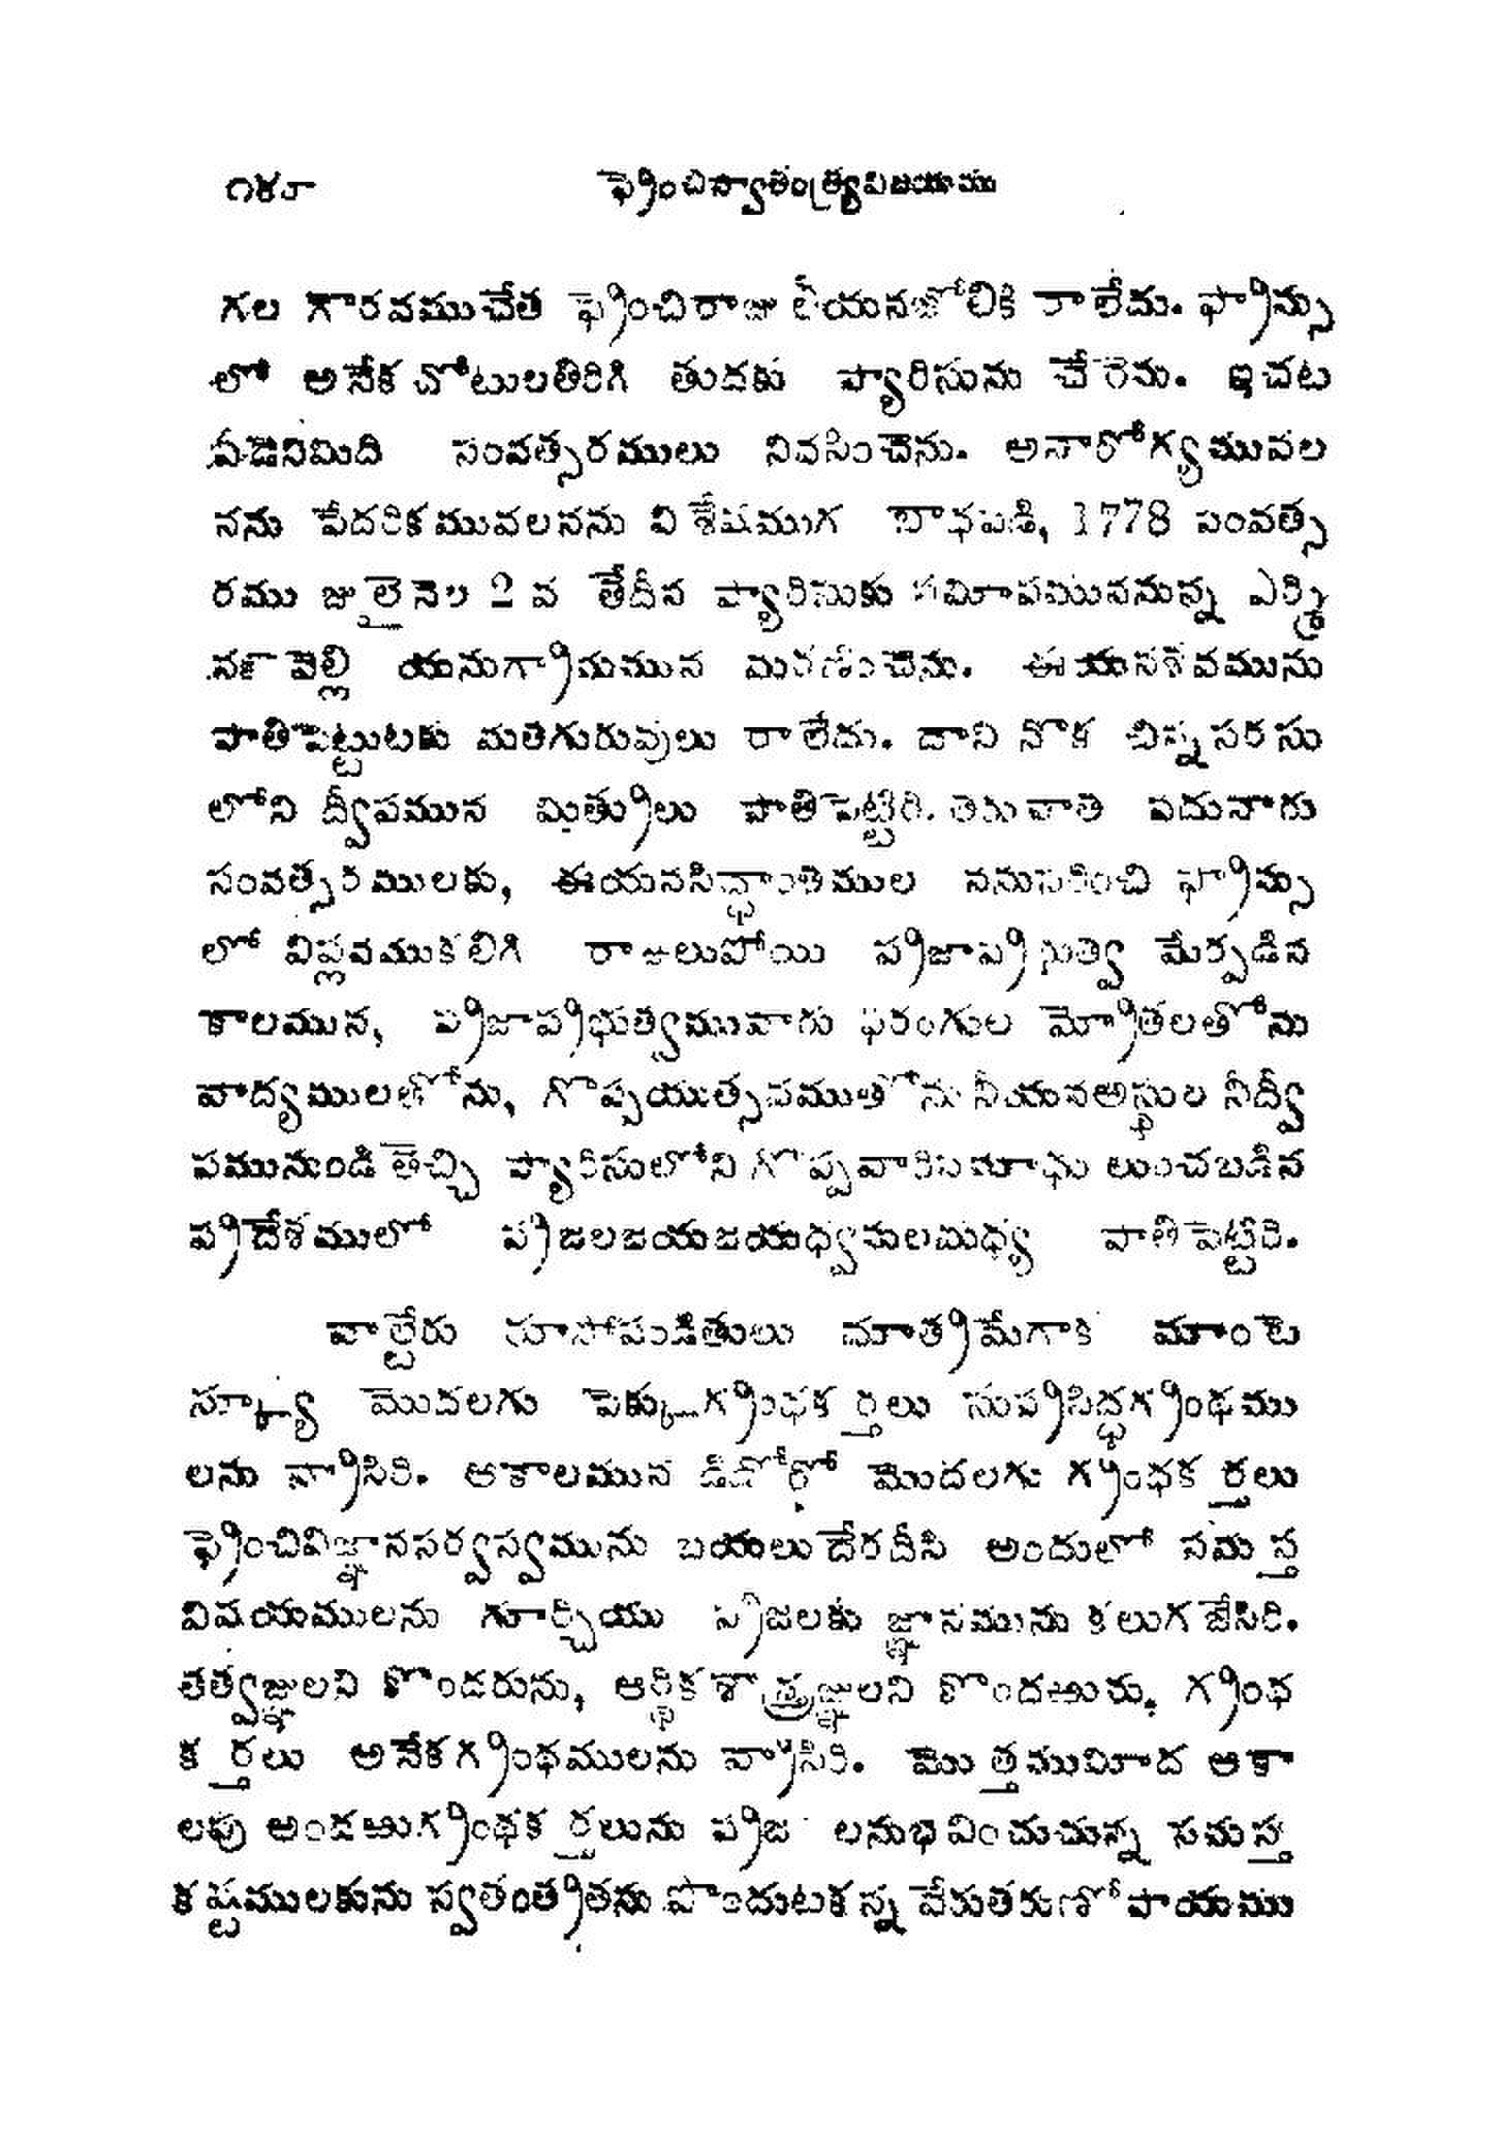గల గౌరవముచేత ఫ్రెంచి రాజు లీయన జోలికి రాలేదు. ఫ్రాన్సు
లో అనేక చోటుల తిరిగి తుదకు ప్యారిసును చేరెను. ఇచట
పనిమిది సంవత్సరములు నివసించెను. అనారోగ్యమువల
నను 'పేదిరిక మువలనను విశేషముగ బాదపడి 1778 సంవత్స
రము జులై నెల 2 వ తేదీన ప్యారిసుకు సమీపముననున్న ఎర్మి
నూ వెల్లి యను గ్రాయమున మరణించెను. ఈయన శవమును 
పాతి పెట్టుటకు మతగురువులు రాలేదు. దాని నొక చిన్న సరసులోని 
ద్వీపమున మిత్రులు పాతి పెట్టిరి, తరువాత పదునారు
సంవత్సరములకు, ఈయన సిద్ధాంతముల ననుంచి ఫ్రాన్సు 
లో విప్లవముకలిగి రాజులుపోయి ప్రజా సామ్య మేర్పడిన
కాలమున, ప్రజా ప్రభుత్వము వారు పిరంగుల మోతలతోను
వాద్యములతోను, గొప్పయుత్సవముతోను నీయన అస్తుల నీద్వీ
పమునుండి తెచ్చిఫ్రాంసులోని "గొప్పవారి సమాదు లుంచబడిన
ప్రదేశములో ప్రజల జయజయధ్వనుల మధ్య పాతి పెట్టిరి.

వాల్ల్టేరు. రూసో పండితులు మాత్రమేమేగాక మాంటే
స్క్యూ మొదలగు పెక్కు గ్రంథ కర్తలు సుప్రసిద్ధ గ్రంథము
లను వ్రాసిరి. ఆకాలమున డిడోరో మొదలగు గ్రంధకర్తలు
ఫ్రెంచి: జ్ఞానసర్వస్వమును బయలు దేర దీసి అందులో సమస్త
విషయములను గూర్చియు జనులకు జ్ఞానమును కలుగ జేసిరి.
తత్వజ్ఞులని కొందరును, ఆర్థిక శాస్త్రజ్ఞులని కొందరు, గంధ
కర్తలు అనేక గ్రంథములను వ్రాసిరి. మొత్తము మీద ఆకా
లపు అందరు గ్రందకర్తలును ప్రజలనుభ వించుచున్న సమస్త
కష్టములకును స్వతంత్రతను పొందుటకన్న వేరుతరుణో పాయము